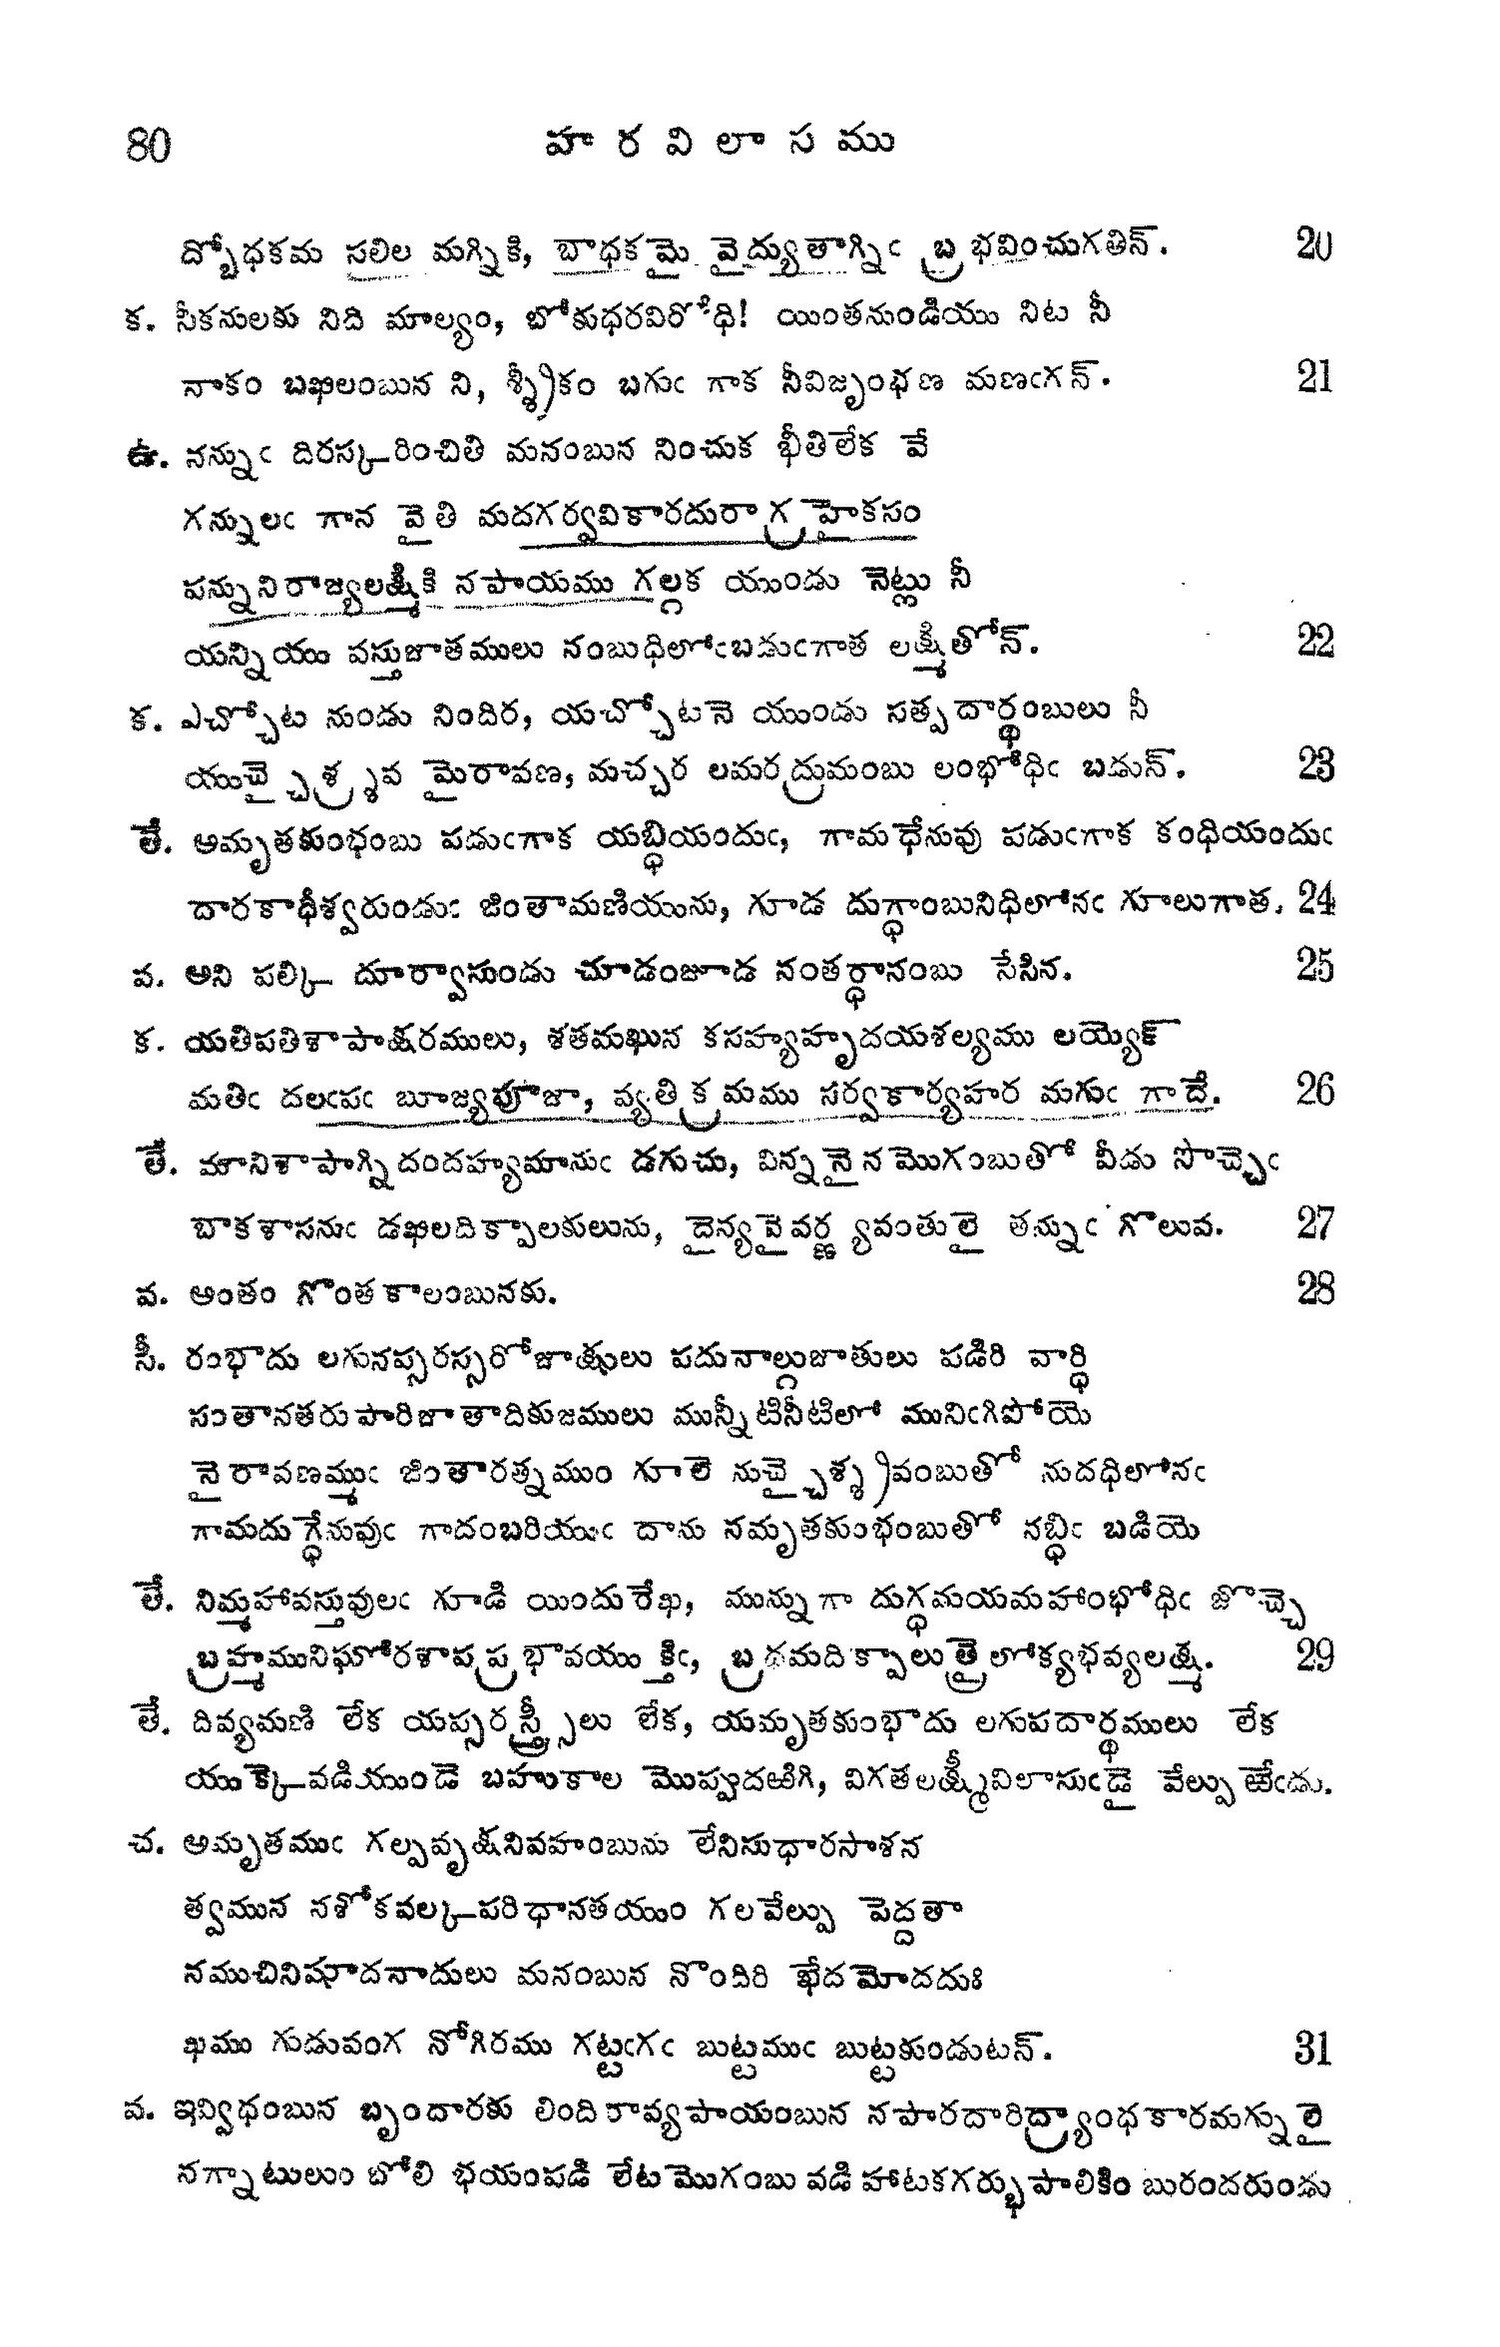ద్బోధకమ సలిల మగ్నికి, బాధకమై వైద్యుతాగ్నిఁ బ్రభవించుగతిన్. 20

క. నీకనులకు నిది మాల్యం, బోకుధరవిరోధి! యింతనుండియు నిట నీ
నాకం బఖిలంబున ని, శ్శ్రీకం బగుఁ గాక నీవిజృంభణ మణఁగన్. 21

ఉ. నన్నుఁ దిరస్కరించితి మనంబున నించుక భీతిలేక వే
గన్నులఁ గాన వైతి మదగర్వవికారదురాగ్రహైకసం
పన్నుని రాజ్యలక్ష్మికి నపాయము గల్గక యుండు నెట్లు నీ
యన్నియు వస్తుజాతములు నంబుధిలోఁబడుఁగాత లక్ష్మితోన్. 22

క. ఎచ్చోట నుండు నిందిర, యచ్చోటనె యుండు సత్పదార్థంబులు నీ
యుచ్చైశ్శ్రవ మైరావణ, మచ్చర లమరద్రుమంబు లంభోధిఁ బడున్. 23

తే. అమృతకుంభంబు పడుఁగాక యబ్దియందుఁ, గామధేనువు పడుఁగాక కంధియందుఁ
దారకాధీశ్వరుండుఁ జింతామణియును, గూడ దుగ్ధాంబునిధిలోనఁ గూలుగాత. 24

వ. అని పల్కి దూర్వాసుండు చూడంజూడ నంతర్ధానంబు సేసిన. 25

క. యతిపతిశాపాక్షరములు, శతమఖున కసహ్యహృదయశల్యము లయ్యెన్
మతిఁ దలఁపఁ బూజ్యపూజా, వ్యతిక్రమము సర్వకార్యహర మగుఁ గాదే. 26

తే. మౌనిశాపాగ్నిదందహ్యమానుఁ డగుచు, విన్ననైనమొగంబుతో వీడు సొచ్చెఁ
బాకశాసనుఁ డఖిలదిక్పాలకులును, దైన్యవైవర్ణ్యవంతులై తన్నుఁ గొలువ. 27

వ. అంతం గొంతకాలంబునకు. 28

సీ. రంభాదు లగునప్సరస్సరోజాక్షులు పదునాల్గుజాతులు పడిరి వార్ధి
సంతానతరుపారిజాదికుజములు మున్నీటినీటిలో మునిఁగిపోయె
నైరావణమ్ముఁ జింతారత్నముం గూలె నుచ్చైశ్శ్రవంబుతో నుదధిలోనఁ
గామదుగ్ధేనువుఁ గాదంబరియుఁ దాను నమృతకుంభంబుతో నబ్ధిఁ బడియె
తే. నిమ్మహావస్తువులఁ గూడి యిందురేఖ, మున్నుగా దుగ్ధమయమహాంభోధిఁ జొచ్చె
బ్రహ్మమునిఘోరశాపప్రభావయుక్తిఁ, బ్రథమదిక్పాలుత్రైలోక్యభవ్యలక్ష్మి. 29

తే. దివ్యమణి లేక యప్సరస్త్రీలు లేక, యమృతకుంభాదు లగుపదార్థములు లేక
యుక్కెవడియుండె బహుకాల మొప్పుదఱిగి, విగతలక్ష్మీవిలాసుఁడై వేల్పుఱేఁడు. 30

చ. అమృతముఁ గల్పవృక్షనివహంబును లేనిసుధారసాశన
త్వమున నశోకవల్కపరిధానతయుం గలవేల్పుపెద్ద తా
నముచినిషూదనాదులు మనంబున నొందిరి ఖేదమోదదుః
ఖము గుడువంగ నోగిరము గట్టఁగఁ బుట్టముఁ బుట్టకుండుటన్. 31

వ. ఇవ్విధంబున బృందారకు లిందిరావ్యపాయంబున నపారదారిద్ర్యాంధకారమగ్నులై నగ్నాటులుం బోలి భయంపడి లేటమొగంబు వడి హాటకగర్భుపాలికిం బురందరుండు